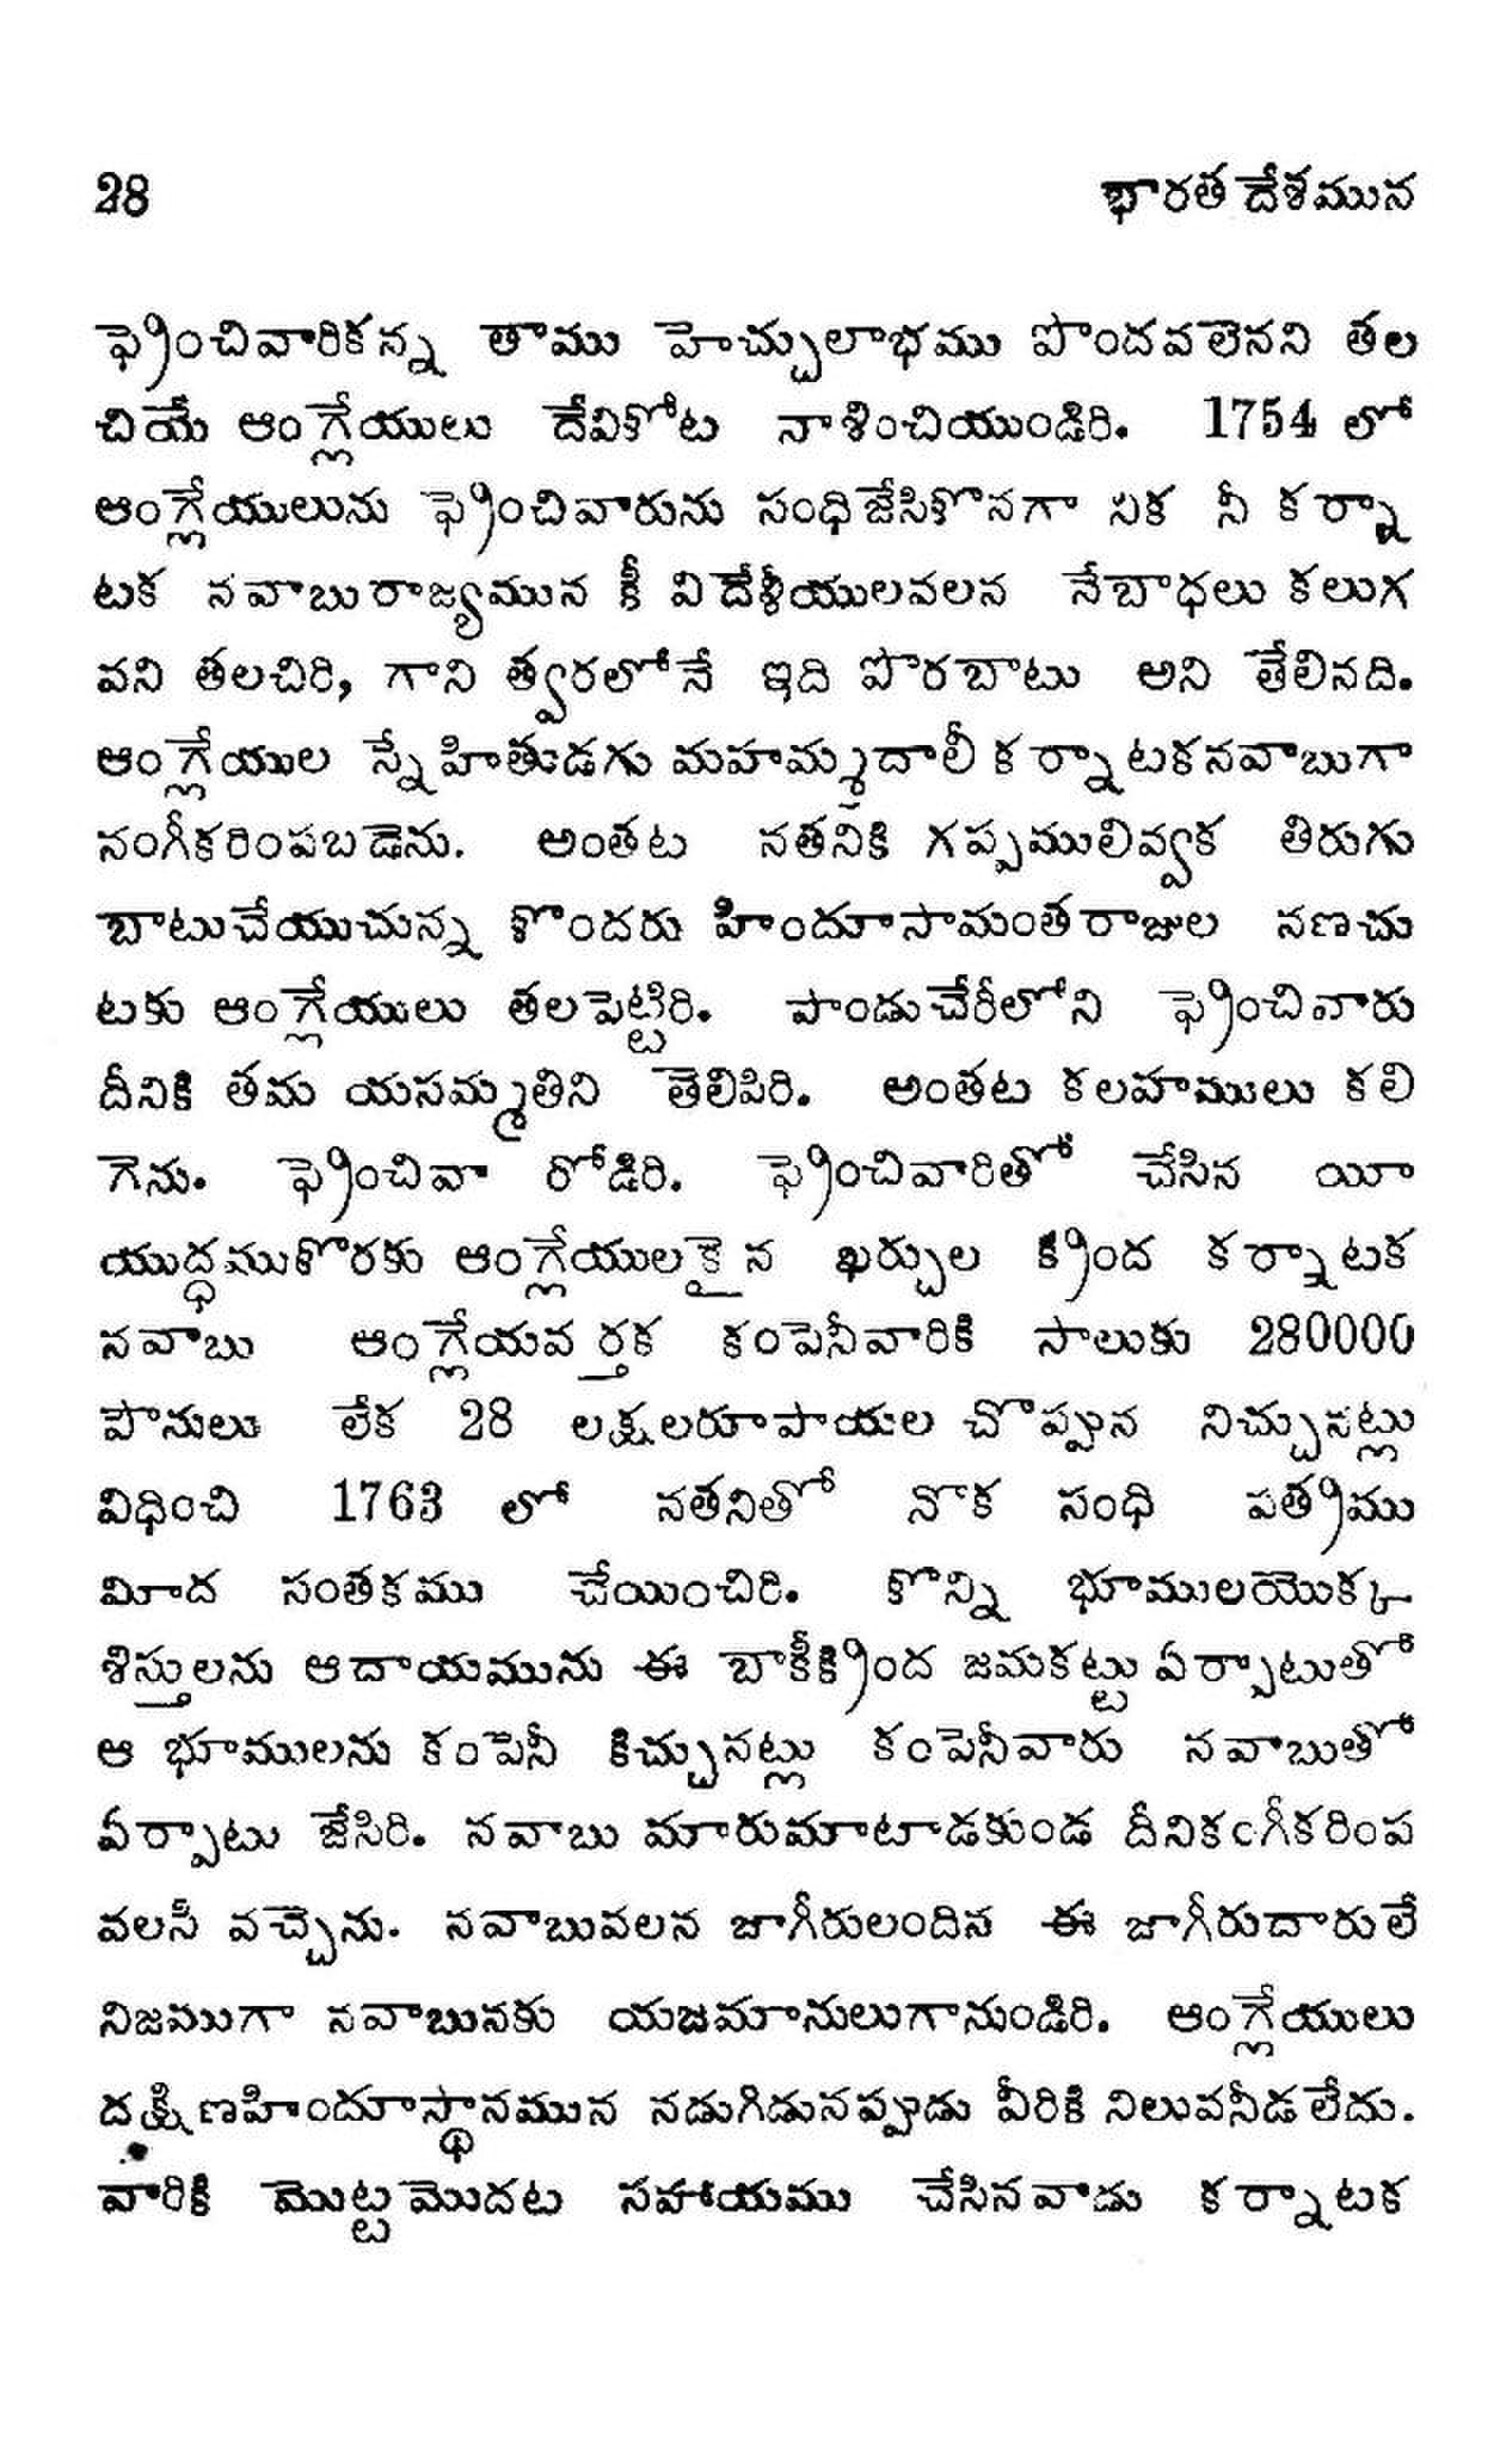ఫ్రెంచివారికన్న తాము హెచ్చులాభము పొందవలెనని తలచియే ఆంగ్లేయులు దేవికోట నాశించియుండిరి. 1754 లో ఆంగ్లేయులును ఫ్రెంచివారును సంధిజేసికొనగా నిక నీ కర్నాటక నవాబురాజ్యమున కీ విదేశీయులవలన నేబాధలు కలుగవని తలచిరి, గాని త్వరలోనే ఇది పొరబాటు అని తేలినది. ఆంగ్లేయుల స్నేహితుడగు మహమ్మదాలీ కర్నాటకనవాబుగా నంగీకరింపబడెను. అంతట నతనికి గప్పములివ్వక తిరుగుబాటుచేయుచున్న కొందరు హిందూసామంతరాజుల నణచుటకు ఆంగ్లేయులు తలపెట్టిరి. పాండుచేరీలోని ఫ్రెంచివారు దీనికి తమ యసమ్మతిని తెలిపిరి. అంతట కలహములు కలిగెను. ఫ్రెంచివా రోడిరి. ఫ్రెంచివారితో చేసిన యీ యుద్దముకొరకు ఆంగ్లేయులకైన ఖర్చుల క్రింద కర్నాటకనవాబు ఆంగ్లేయవర్తక కంపెనీవారికి సాలుకు 280000 పౌనులు లేక 28 లక్షలరూపాయల చొప్పున నిచ్చునట్లు విధించి 1763 లో నతనితో నొక సంధి పత్రము మీద సంతకము చేయించిరి. కొన్ని భూములయొక్క శిస్తులను ఆదాయమును ఈ బాకీక్రింద జమకట్టు ఏర్పాటుతో ఆ భూములను కంపెనీ కిచ్చునట్లు కంపెనీవారు నవాబుతో ఏర్పాటు జేసిరి. నవాబు మారుమాటాడకుండ దీనికఁగీకరింపవలసి వచ్చెను. నవాబువలన జాగీరులందిన ఈ జాగీరుదారులే నిజముగా నవాబునకు యజమానులుగానుండిరి. ఆంగ్లేయులు దక్షిణ హిందూస్థానమున నడుగిడునప్పుడు వీరికి నిలువనీడలేదు. వారికి మొట్టమొదట సహాయము చేసినవాడు కర్నాటక